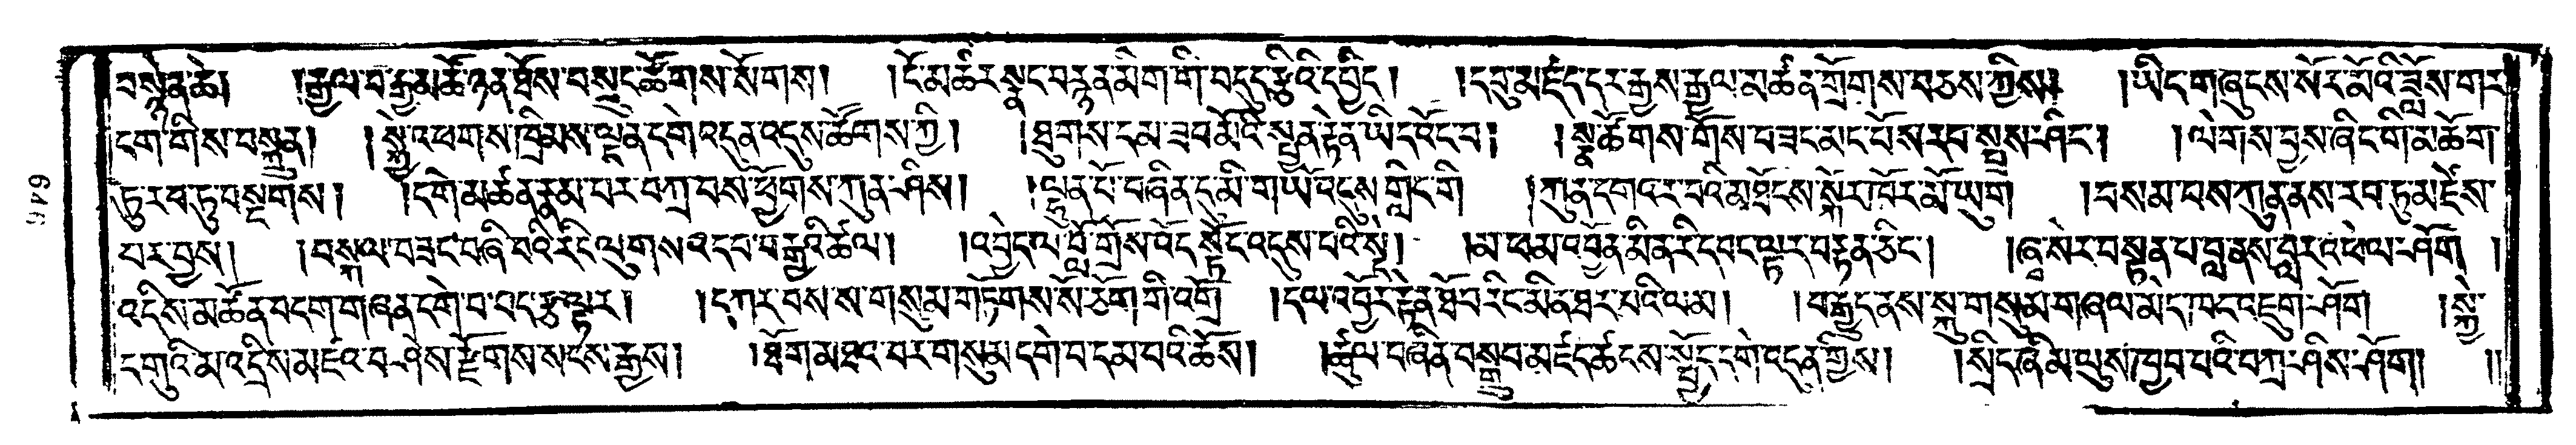བསྙེན་ཆེ། །རྒྱལ་བ་རྒྱ་མཚོ་ཉན་ཐོས་བསྲུང་ཚོགས་སོགས། །ངོ་མཚར་སྣང་བརྙན་མིག་གི་བདུད་རྩིའི་དཔྱིད། །དབུ་མཛད་དར་རྒྱས་རྒྱལ་མཚན་གྲོགས་བཅས་ཀྱིས། །ཡིད་གཞུངས་སོར་མོའི་ཟློས་གར་
ངག་གིས་བསྐྲུན། །སྐྱེ་འཕགས་ཁྲིམས་ལྡན་དགེ་འདུན་འདུས་ཚོགས་ཀྱི། །ཐུགས་དམ་ཟབ་མོའི་སྤྱན་རྟེན་ཡིད་འོང་བ། །སྣ་ཚོགས་གོས་བཟང་མང་པོས་རབ་སྤྲས་ཤིང་། །ལེགས་བྱས་ཞིང་གི་མཆོག་
ཏུ་རབ་ཏུ་བསྔགས། །དགེ་མཚན་རྣམ་པར་བཀྲ་བས་ཕྱོགས་ཀུན་ཤིས། །ལྷུན་པོ་བཞིན་དུ་མི་གཡོ་འདུས་གླིང་གི །ཀུན་དགའ་ར་བའི་མཐོངས་སྐོར་ཁོར་མོ་ཡུག །བསམ་པས་ཀུན་ནས་རབ་ཏུ་མཛེས་
པར་བྱས། །བསྐལ་བཟང་བཞི་པའི་རིང་ལུགས་འདབ་བརྒྱའི་ཚལ། །འབྱེད་ལ་བློ་གྲོས་འོད་སྟོང་འདུས་པའི་སྡེ། །མ་ཕམ་འབྱོན་མིན་རི་དབང་ལྟར་བརྟན་ཅིང་། །ཞྭ་སེར་བསྟན་པ་བླ་ནས་བླར་འཕེལ་ཤོག །
འདིས་མཚོན་བདག་གཞན་དགེ་བ་བད་རྩ་ལྟར། །དཀར་བས་ས་གསུམ་གཏོགས་སོ་ཅོག་གི་འགྲོ་།དལ་འབྱོར་རྟེན་ཐོབ་རིང་མིན་ཐར་པའི་ལམ། །བརྒྱུད་ནས་སྐུ་གསུམ་གཞལ་མེད་ཁང་འཇུག་ཤོག །སྐྱེ་
དགུའི་མ་འདྲིས་མཛའ་བཤེས་རྫོགས་སངས་རྒྱས། །ཐོག་མཐའ་བར་གསུམ་དགེ་བ་དམ་པའི་ཆོས། །ཚུལ་བཞིན་བསྒྲུབ་མཛད་ཚངས་སྤྱོད་དགེ་འདུན་གྱིས། །སྲིད་ཞི་མ་ལུས་ཁྱབ་པའི་བཀྲ་ཤིས་ཤོག། །།